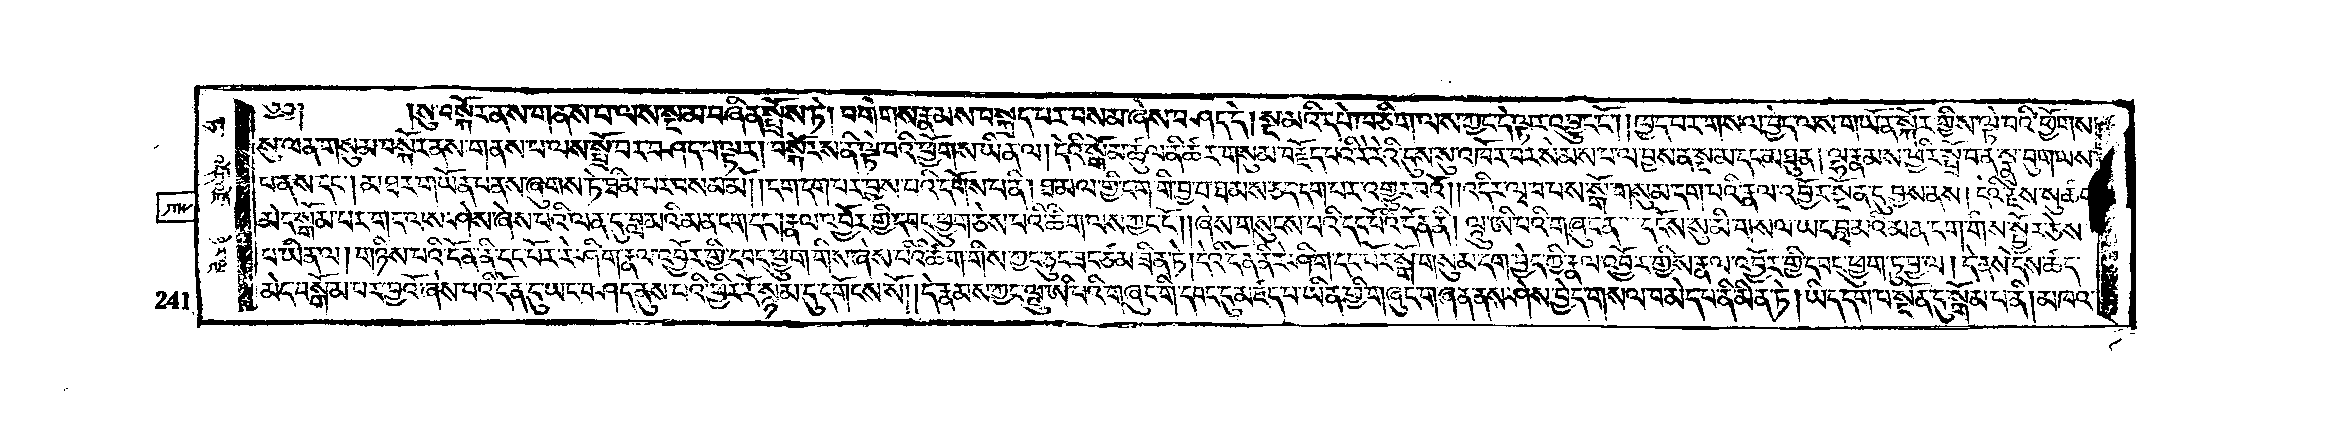༄༅། །སུ་བསྐོར་ནས་གནས་པ་ལས་སྔ་མ་བཞིན་སྤྲོས་ཏེ། བགེགས་རྣམས་བསྐྲད་པར་བསམ་ཞེས་བཤད་དེ། སྔ་མའི་དཔེ་ཁ་ཅིག་ལས་ཀྱང་དེ་ལྟར་འབྱུང་ངོ། །ཁྱད་པར་གསལ་བྱེད་ལས་གཡོན་སྐོར་གྱིས་ལྟེ་བའི་ཕྱོགས་
སུ་ལན་གསུམ་བསྐོར་ནས་གནས་པ་ལས་སྤྲོ་བར་བཤད་པ་ལྟར། བསྐོར་ས་ནི་ལྟེ་བའི་ཕྱོགས་ཡིན་ལ། དེའི་སྒོམ་ཚུལ་ནི་ཚར་གསུམ་བརྗོད་པའི་རེ་རེའི་དུས་སུ་འཁོར་བར་སེམས་པ་ལ་བྱས་ན་སྔ་མ་དང་མཐུན། ལྷ་རྣམས་ཕྱིར་སྤྲོ་བ་ན་སྣ་བུ་གཡས་
པ་ནས་དང་། མཐར་གཡོན་པ་ནས་ཞུགས་ཏེ་ཐིམ་པར་བསམ་མོ། །ངག་དག་པར་བྱས་པའི་དགོས་པ་ནི། ཐ་མལ་གྱི་ངག་གི་བྱ་བ་ཐམས་ཅད་དག་པར་འགྱུར་བའོ། །འདིར་ལྭ་བ་པས་སྒོ་གསུམ་དག་པའི་རྣལ་འབྱོར་སྔོན་དུ་བྱས་ནས། དེའི་རྗེས་སུ་ཚད་
མེད་སྒོམ་པར་གང་ལས་ཤེས་ཞེས་པའི་ལན་དུ་བླ་མའི་མན་ངག་དང་། རྣལ་འབྱོར་གྱི་དབང་ཕྱུག་ཅེས་པའི་ཚིག་ལས་ཀྱང་ངོ། །ཞེས་གསུངས་པའི་དང་པོའི་དོན་ནི། ལཱུ་ཨི་པའི་གཞུང་ན་དངོས་སུ་མི་གསལ་ཡང་བླ་མའི་མན་ངག་གིས་སྦྱོར་ཅེས་
པ་ཡིན་ལ། གཉིས་པའི་དོན་ནི་དང་པོར་རེ་ཤིག་རྣལ་འབྱོར་གྱི་དབང་ཕྱུག་གིས་ཞེས་པའི་ཚིག་གིས་ཀྱང་ཅུང་ཟད་ཙམ་ཟིན་ཏེ། དེའི་དོན་ནི་རེ་ཤིག་དང་པོར་སྒོ་གསུམ་དག་བྱེད་ཀྱི་རྣལ་འབྱོར་གྱིས་རྣལ་འབྱོར་གྱི་དབང་ཕྱུག་ཏུ་བྱ་ལ། དེ་ནས་དེས་ཚད་
མེད་བསྒོམ་པར་བྱའོ་ཞེས་པའི་དོན་དུ་ཡང་བཤད་ནུས་པའི་ཕྱིར་རོ་སྙམ་དུ་དགོངས་སོ། །དེ་རྣམས་ཀྱང་ལཱུ་ཨི་པའི་གཞུང་གི་དབང་དུ་མཛད་པ་ཡིན་གྱི་གཞུང་གཞན་ནས་ཤེས་བྱེད་གསལ་བ་མེད་པ་ནི་མིན་ཏེ། ཡིད་དག་པ་སྔོན་དུ་སྒོམ་པ་ནི། མཁའ་